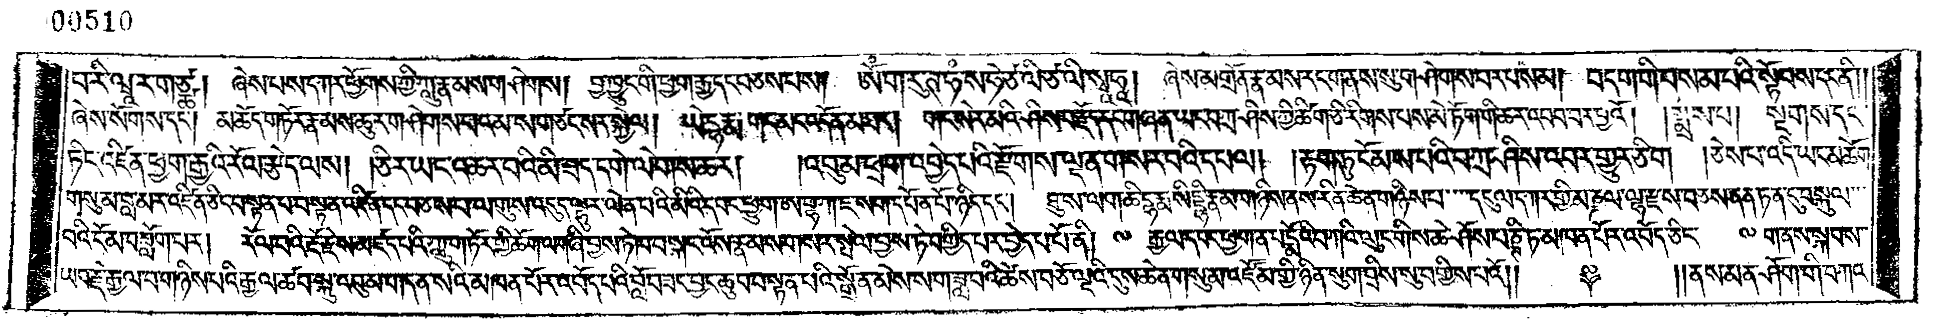པ་རི་ཝཱ་ར་གཙྪ། ཞེས་པས་དཀར་ཕྱོགས་ཀྱི་ཀླུ་རྣམས་གཤེགས། བྱ་ཁྱུང་གི་ཕྱག་རྒྱ་དང་བཅས་པས།  ཨོཾ་ག་རུ་ཊ་ཧཾ་ས་ཧེ་ཙ་ལི་ཙ་ལི་སྭཱཧཱ། ཞེས་མགྲོན་རྣམས་རང་གནས་སུ་གཤེགས་པར་བསམ།  བདག་གི་བསམ་པའི་སྟོབས་དང་ནི། །
ཞེས་སོགས་དང་། མཆོད་གཏོར་རྣམས་ཆུར་གཤེགས་པའམ་ས་གཙང་སར་སྐྱེལ། ཡེ་དྷརྨ་གང་མང་འདོན་མཐར། གང་སེར་མའི་ཤིས་བརྗོད་དང་གཞན་ཡང་བཀྲ་ཤིས་ཀྱི་ཚིག་ཅི་རིགས་པས་མེ་ཏོག་གི་ཆར་འབབ་བར་བྱའོ།  །སྨྲས་པ། སྔགས་དང་
ཏིང་འཛིན་ཕྱག་རྒྱའི་རོལ་རྩེད་ལས། །ཅིར་ཡང་འཆར་བའི་མི་ཟད་དགེ་ལེགས་ཆར། །འབུམ་ཕྲག་འབྱེད་པའི་རྫོགས་ལྡན་གསར་བའི་དཔལ། །རྟག་ཏུ་ངོམས་པའི་བཀྲ་ཤིས་འབར་གྱུར་ཅིག །ཅེས་པ་འདི་ཡང་མཆོག་
གསུམ་བླ་མར་འཛིན་ཅིང་བསྟན་པ་བསྟན་འཛིན་དང་བཅས་པ་ལ་གུས་འདུད་ལྷུར་ལེན་པའི་མིའི་དབང་ཕྱུག་ཨ་བྷ་ཀ་ཇ་སག་དཔོན་པོ་ཉིད་དང་། ཐུ་ས་ལག་ཆི་དྷརྨ་སིདྡྷི་རྣམ་གཉིས་ནས་རིན་ཆེན་གཉིས་པ་དངུལ་དཀར་གྱི་མཎྜལ་ལྷ་རྫས་བཅས་ནན་ཏན་དུ་བསྐུལ་
བའི་ངོ་མ་བཟློག་པར། རོལ་པའི་རྡོ་རྗེས་མཛད་པའི་ཀླུ་གཏོར་གྱི་ཆོ་ག་ལ་གཞི་བྱས་ཏེ་ཁ་བསྐང་འོས་རྣམས་གསར་སྤེལ་བྱས་ཏེ་བགྱིད་པར་བྱེད་པ་པོ་ནི། ༧་རྒྱལ་དབང་ཕྱག་ན་པདམོའི་བཀའི་ལུང་གིས་ཆེ་ཤོས་པཎྚི་ཏ་མཁན་པོར་འབོད་ཅིང་༧་གནས་སྐབས་
ཡབ་རྗེ་རྒྱལ་བ་གཉིས་པའི་རྒྱལ་ཚབ་སྐུ་འབུམ་གདན་སའི་མཁན་པོར་འབོད་པའི་བློ་བཟང་བྱང་ཆུབ་བསྟན་པའི་སྒྲོན་མེས་སག་ཟླ་བའི་ཚེས་བཅོ་ལྔའི་དུས་ཆེན་གསུམ་འཛོམ་གྱི་ཉིན་སུག་བྲིས་སུ་བགྱིས་པའོ།། ༈ །།ནས་མན་ཤོག་གི་བཀའ་